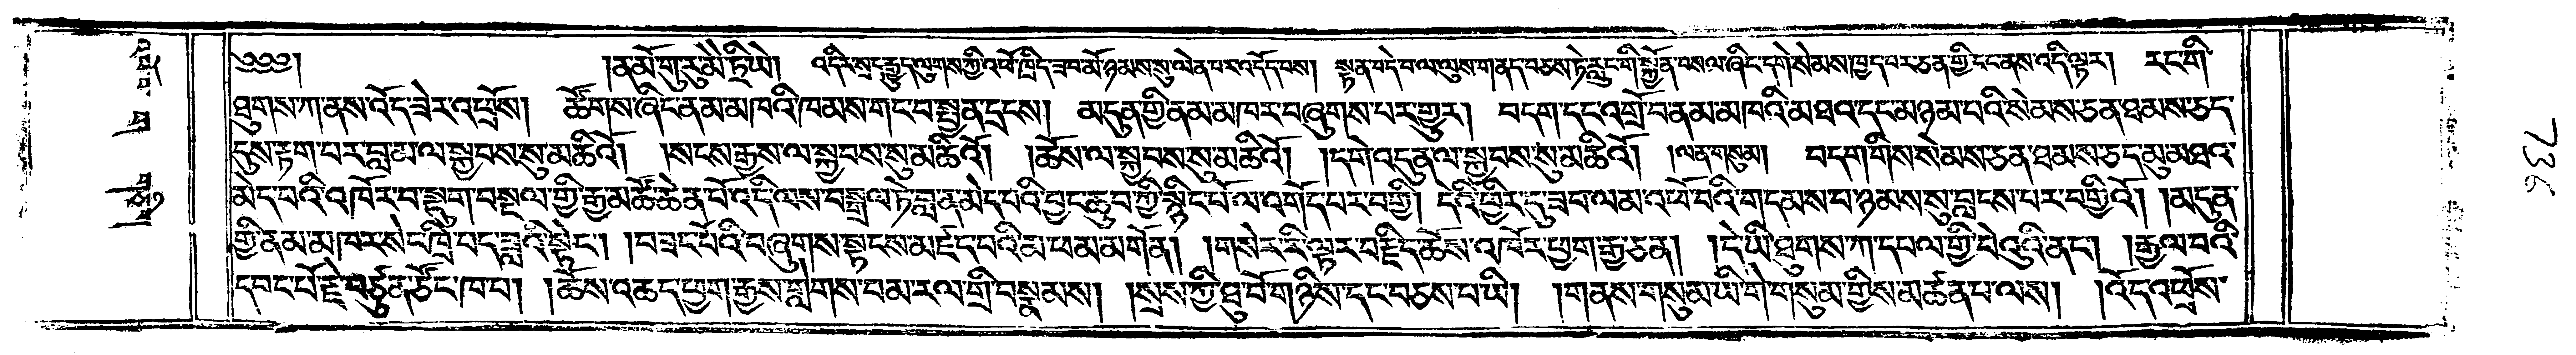༄༅༅། །ན་མོ་གུ་རུ་མཻ་ཏྲི་ཡེ། འདིར་སྲད་རྒྱུད་ལུགས་ཀྱི་འཕོ་ཁྲིད་ཟབ་མོ་ཉམས་སུ་ལེན་པར་འདོད་པས། སྟན་བདེ་བ་ལ་ལུས་གནད་བཅས་ཏེ་རླུང་གི་སྐྱོན་བསལ་ཞིང་དགེ་སེམས་ཁྱད་པར་ཅན་གྱི་ངང་ནས་འདི་ལྟར། རང་གི་
ཐུགས་ཀ་ནས་འོད་ཟེར་འབྲོས། ཚོགས་ཞིང་ནམ་མཁའི་ཁམས་གང་བ་སྦྱན་དྲངས། མདུན་གྱི་ནམ་མཁར་བཞུགས་པར་གྱུར། བདག་དང་འགྲོ་བ་ནམ་མཁའི་མཐའ་དང་མཉམ་པའི་སེམས་ཅན་ཐམས་ཅད་
དུས་རྟག་པར་བླ་མ་ལ་སྐྱབས་སུ་མཆིའོ། །སངས་རྒྱས་ལ་སྐྱབས་སུ་མཆིའོ། །ཆོས་ལ་སྐྱབས་སུ་མཆིའོ། །དགེ་འདུན་ལ་སྐྱབས་སུ་མཆིའོ། །ལན་གསུམ། བདག་གིས་སེམས་ཅན་ཐམས་ཅད་མུ་མཐའ་
མེད་པའི་འཁོར་བ་སྡུག་བསྔལ་གྱི་རྒྱ་མཚོ་ཆེན་པོ་འདི་ལས་བསྒྲལ་ཏེ་བླ་ན་མེད་པའི་བྱང་ཆུབ་ཀྱི་སྙིང་པོ་ལ་འགོད་པར་བགྱི། དེའི་ཕྱིར་དུ་ཟབ་ལམ་འཕོ་བའི་གདམས་པ་ཉམས་སུ་བླངས་པར་བགྱིའོ། །མདུན་
གྱི་ནམ་མཁར་སེང་ཁྲི་པད་ཟླའི་སྟེང་། །བཟང་པོའི་བཞུགས་སྟངས་མཛད་པའི་མ་ཕམ་མགོན། །གསེར་རི་ལྟར་བརྗིད་ཆོས་འཁོར་ཕྱག་རྒྱ་ཅན། །དེ་ཡི་ཐུགས་ཀ་དཔལ་གྱི་བེའུའི་ནང་། །རྒྱལ་བའི་
དབང་པོ་རྗེ་བཙུན་ཙོང་ཁ་པ། །ཆོས་འཆད་ཕྱག་རྒྱས་གླེགས་བམ་རལ་གྲི་བསྣམས། །སྲས་ཀྱི་ཐུ་བོ་གཉིས་དང་བཅས་པ་ཡི། །གནས་གསུམ་ཡི་གེ་གསུམ་གྱིས་མཚན་པ་ལས། །འོད་འཕྲོས་